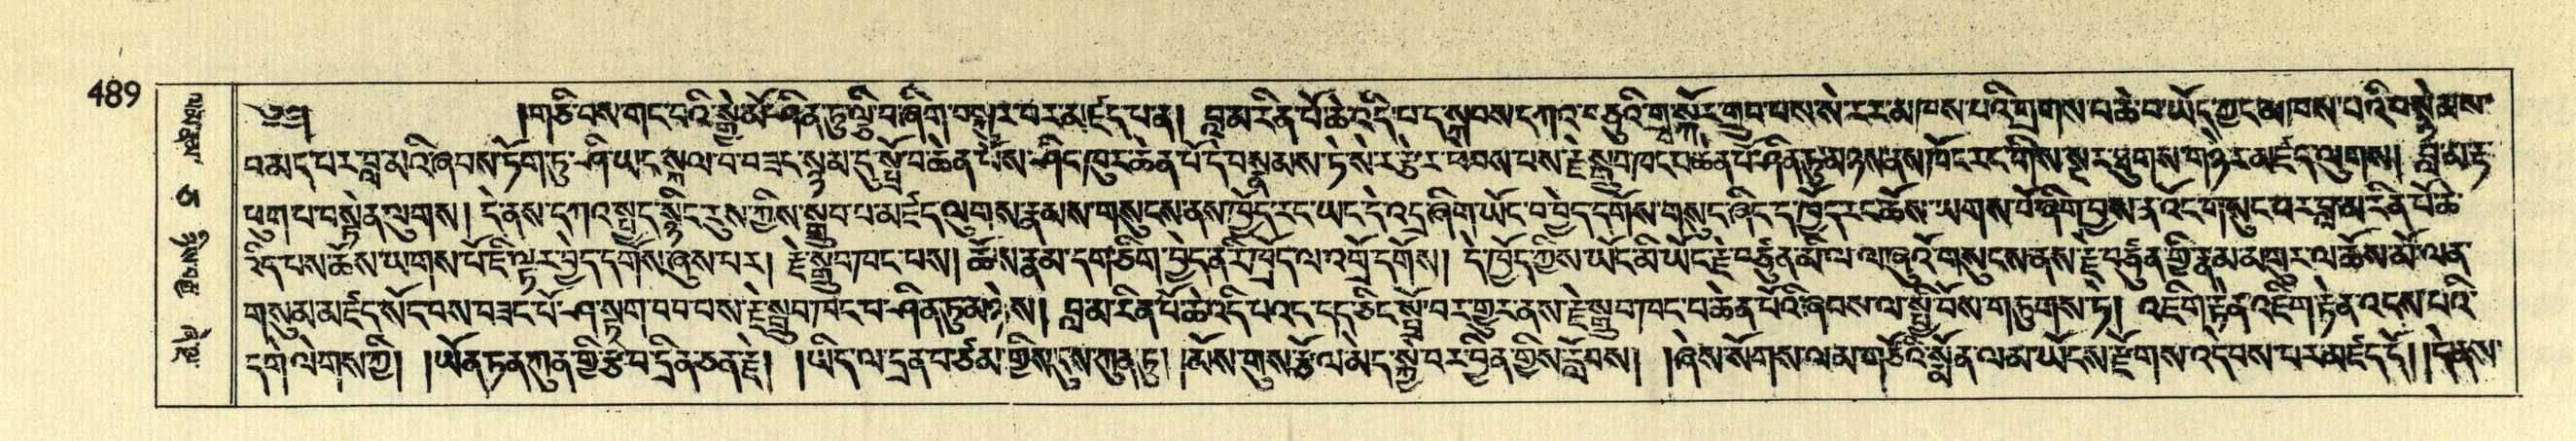༄༅། །གཅི་བས་གང་བའི་སྒྱེ་མོ་ཤིན་ཏུ་ལྕི་བ་ཞིག་བསྐུར་བར་མཛད་པ་ན། བླ་མ་རིན་པོ་ཆེ་འདི་བ་ད་སྐབས་དཀའ་བཅུའི་གྲྭ་སྐོར་གྲུབ་པས་སེ་རར་མཁས་པའི་གྲགས་བ་ཆེ་བ་ཡོད་ཀྱང་མཁས་པའི་བསྙེམས་
བ་མད་པར་བླ་མའི་ཞབས་ཏོག་ཏུ་ཤི་ཡང་སྐལ་བ་བཟང་སྙམ་དུ་སྤྲོ་བ་ཆེན་པོས་ཤིང་ཁུར་ཆེན་པོ་དེ་བསྣམས་ཏེ་སེར་རྩེར་ཕེབས་པས་རྗེ་སྒྲུབ་ཁང་པ་ཆེན་པོ་ཤིན་ཏུ་མཉས་ནས་ཁོང་རང་གིས་སྔར་ཐུགས་གཉེར་མཛད་ལུགས། བླ་མ་རྟ་
ཕུག་པ་བསྟེན་ལུགས། དེ་ནས་དཀའ་སྤྱད་སྙིང་རུས་ཀྱིས་སྒྲུབ་པ་མཛད་ལུགས་རྣམས་གསུངས་ནས་ཁྱོད་རང་ཡང་དེ་འདྲ་ཞིག་ཡོད་བ་བྱེད་དགོས་གསུང་ཞིང་ད་ཁྱོད་རང་ཆོས་ཡགས་བོ་ཞིག་བྱས་ན་འོང་གསུང་བར་བླ་མ་རིན་པོ་ཆེ་
འདི་པས་ཆོས་ཡགས་པོ་ཇི་ལྟར་བྱེད་དགོས་ཞུས་པར། རྗེ་སྒྲུབ་ཁང་པས། ཆོས་རྣམ་དག་ཅིག་བྱེད་ན་རི་ཁྲོད་ལ་འགྲོ་དགོས། དེ་ཁྱོད་ཀྱིས་ཡོང་མི་ཡོང་རྗེ་བཙུན་མི་ལ་ལ་ཞུའོ་གསུངས་ནས་རྗེ་བཙུན་གྱི་རྣམ་མགུར་ལ་ཆོས་མོ་ལན་
གསུམ་མཛད་སོད་བས་བཟང་པོ་ཤ་སྟག་བབ་པས་རྗེ་སྒྲུབ་ཁང་བ་ཤིན་ཏུ་མཉེས། བླ་མ་རིན་པོ་ཆེ་འདི་པའང་དད་ཅིང་སྦྲོ་བར་གྱུར་ནས་རྗེ་སྒྲུབ་ཁང་བ་ཆེན་པོའི་ཞབས་ལ་སྤྱི་བོས་གཏུགས་ཏེ། འཇིག་རྟེན་འཇིག་རྟེན་འདས་པའི་
དགེ་ལེགས་ཀྱི། །ཡོན་ཏན་ཀུན་གྱི་རྩ་བ་དྲིན་ཅན་རྗེ། །ཡིད་ལ་དྲན་པ་ཙམ་གྱིས་དུས་ཀུན་ཏུ། །མོས་གུས་རྩོལ་མེད་སྐྱེ་བར་བྱིན་གྱིས་རློབས། །ཞེས་སོགས་ལམ་གཙོའི་སྨོན་ལམ་ཡོངས་རྫོགས་འདེབས་པར་མཛད་དོ། །དེ་ནས་